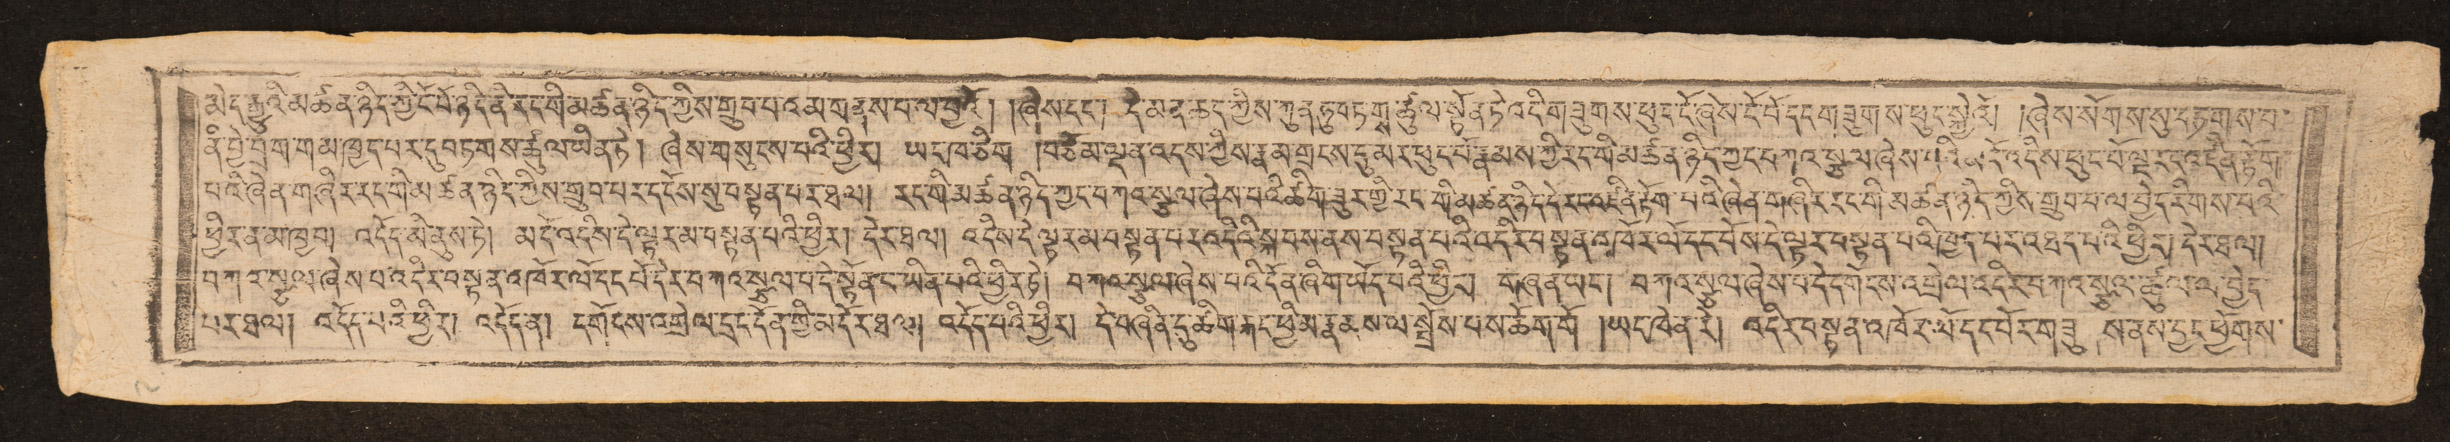མེད་རྒྱུའི་མཚན་ཉིད་ཀྱི་ངོ་བོ་ཉིད་ནི་རང་གི་མཚན་ཉིད་ཀྱིས་གྲུབ་པའམ་གནས་པ་ལ་བྱའོ། །ཞེས་དང་། དེ་མན་ཆད་ཀྱིས་ཀུན་ཏུ་བཏགས་ཚུལ་སྟོན་ཏེ་འདི་གཟུགས་ཕུང་ངོ་ཞེས་ངོ་བོ་དང་གཟུགས་ཕུང་སྐྱེའོ། །ཞེས་སོགས་སུ་བཏགས་པ་
ནི་བྱེ་བྲག་གམ་ཁྱད་པར་དུ་བཏགས་ཚུལ་ཡིན་ཏེ། ཞེས་གསུངས་པའི་ཕྱིར། ཡང་ཁ་ཅིག །བཅོམ་ལྡན་འདས་ཀྱིས་རྣམ་གྲངས་དུ་མར་ཕུང་པོ་རྣམས་ཀྱི་རང་གི་མཚན་ཉིད་ཀྱང་བཀའ་སྩལ་ཞེས་པའི་མདོ་འདིས་ཕུང་པོ་ལྔ་རང་འཛིན་རྟོག་
པའི་ཞེན་གཞིར་རང་གི་མཚན་ཉིད་ཀྱིས་གྲུབ་པར་དངོས་སུ་བསྟན་པར་ཐལ། རང་གི་མཚན་ཉིད་ཀྱང་བཀའ་སྩལ་ཞེས་པའི་ཚིག་ཟུར་གྱི་རང་གི་མཚན་ཉིད་དེ་རང་འཛིན་རྟོག་པའི་ཞེན་གཞིར་རང་གི་མཚན་ཉིད་ཀྱིས་གྲུབ་པ་ལ་བྱེད་རིགས་པའི་
ཕྱིར་ན་མ་ཁྱབ། འདོད་མི་ནུས་ཏེ། མདོ་འདིས་དེ་ལྟར་མ་བསྟན་པའི་ཕྱིར། དེར་ཐལ། འདིས་དེ་ལྟར་མ་བསྟན་པར་འདིའི་སྐབས་ནས་བསྟན་པའི་འདིར་བསྟན་འཁོར་ལོ་དང་པོས་དེ་ལྟར་བསྟན་པའི་ཁྱད་པར་འཐད་པའི་ཕྱིར། དེར་ཐལ།
བཀའ་སྩལ་ཞེས་པ་འདིར་བསྟན་འཁོར་ལོ་དང་པོ་དེར་བཀའ་སྩལ་བ་དེ་སྟོན་པ་ཡིན་པའི་ཕྱིར་ཏེ། བཀའ་སྩལ་ཞེས་པའི་དོན་ཞིག་ཡོད་པའི་ཕྱིར། གཞན་ཡང་། བཀའ་སྩལ་ཞེས་པ་དེ་དགོངས་འགྲེལ་འདིར་བཀའ་སྩལ་ཚུལ་ལ་བྱེད་
པར་ཐལ། འདོད་པའི་ཕྱིར། འདོད་ན། དགོངས་འགྲེལ་དྲང་དོན་གྱི་མདོར་ཐལ། འདོད་པའི་ཕྱིར། དེ་བཞིན་དུ་ཚིག་རྐང་ཕྱི་མ་རྣམས་ལ་སྤྲོས་པས་ཆོག་གོ །ཡང་ཁོ་ན་རེ། འདིར་བསྟན་འཁོར་ལོ་དང་པོར་གཟུགས་ནས་བྱང་ཕྱོགས་